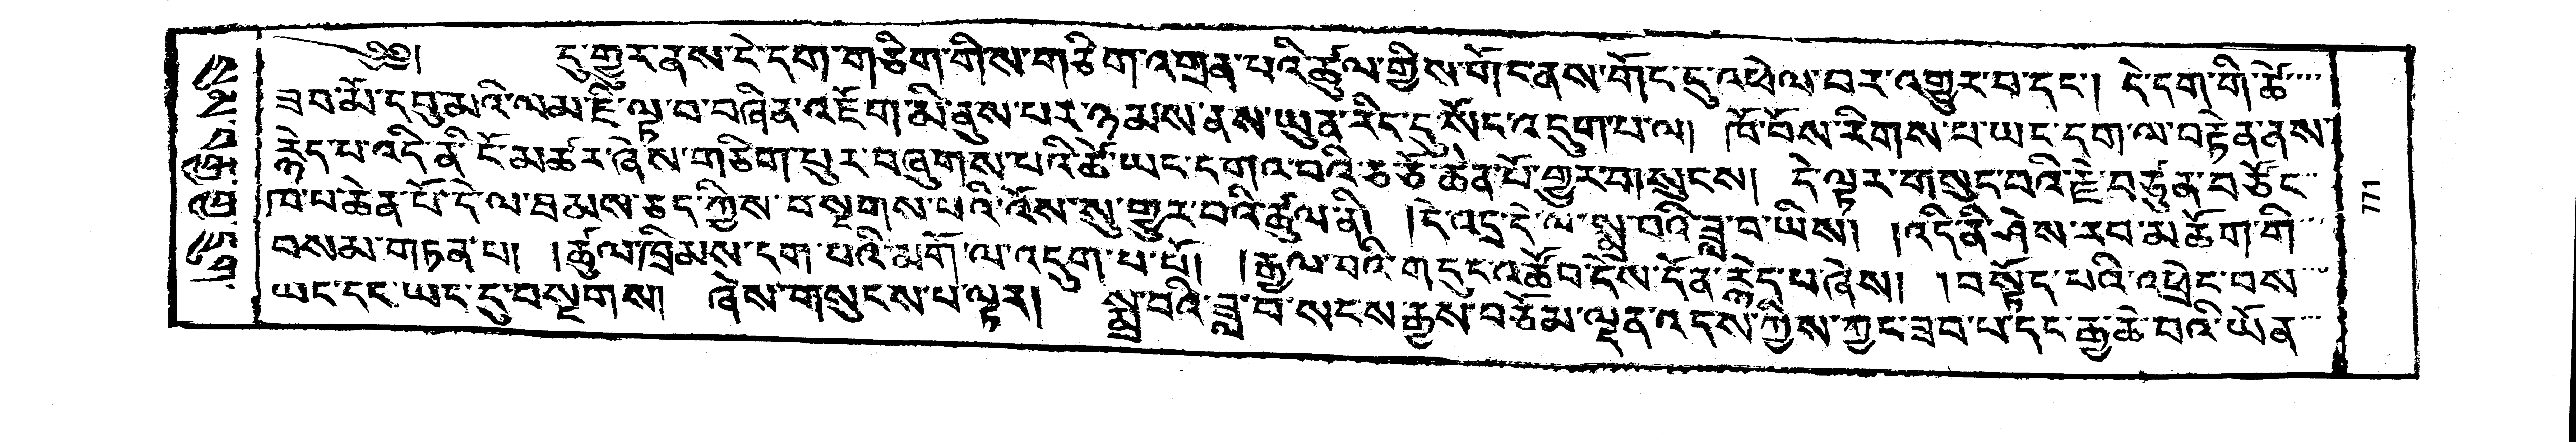༄༅། །དུ་གྱུར་ནས་དེ་དག་གཅིག་གིས་གཅིག་འགྲན་པའི་ཚུལ་གྱིས་གོང་ནས་གོང་དུ་འཕེལ་བར་འགྱུར་བ་དང་། དེ་དག་གི་ཚེ་
ཟབ་མོ་དབུ་མའི་ལམ་ཇི་ལྟ་བ་བཞིན་འཇོག་མི་ནུས་པར་ཉམས་ནས་ཡུན་རིང་དུ་སོང་འདུག་པ་ལ། ཁོ་བོས་རིགས་པ་ཡང་དག་ལ་བརྟེན་ནས་
རྙེད་པ་འདི་ནི་ངོ་མཚར་ཞེས་གཅིག་པུར་བཞུགས་པའི་ཚེ་ཡང་དགའ་བའི་ཅ་ཅོ་ཆེན་པོ་གྱུར་གསུངས། དེ་ལྟར་གསུང་བའི་རྗེ་བཙུན་བཙོང་
ཁ་པ་ཆེན་པོ་དེ་ལ་ཐམས་ཅད་ཀྱིས་བསྔགས་པའི་འོས་སུ་གྱུར་བའི་ཚུལ་ནི། །དེ་འདྲ་དེ་ལ་སྨྲ་བའི་ཟླ་བ་ཡིས། །འདི་ནི་ཤེས་རབ་མཆོག་གི་
བསམ་གཏན་པ། །ཚུལ་ཁྲིམས་དག་པའི་མགོ་ལ་འདུག་པ་པོ། །རྒྱལ་བའི་གདུང་འཚོ་བ་དེས་དོན་རྙེད་པ་ཞེས། །བསྟོད་པའི་འཕྲེང་བས་
ཡང་དང་ཡང་དུ་བསྔགས། ཞེས་གསུངས་པ་ལྟར། སྨྲ་བའི་ཟླ་བ་སངས་རྒྱས་བཅོམ་ལྡན་འདས་ཀྱིས་ཀྱང་ཟབ་པ་དང་རྒྱ་ཆེ་བའི་ཡོན་